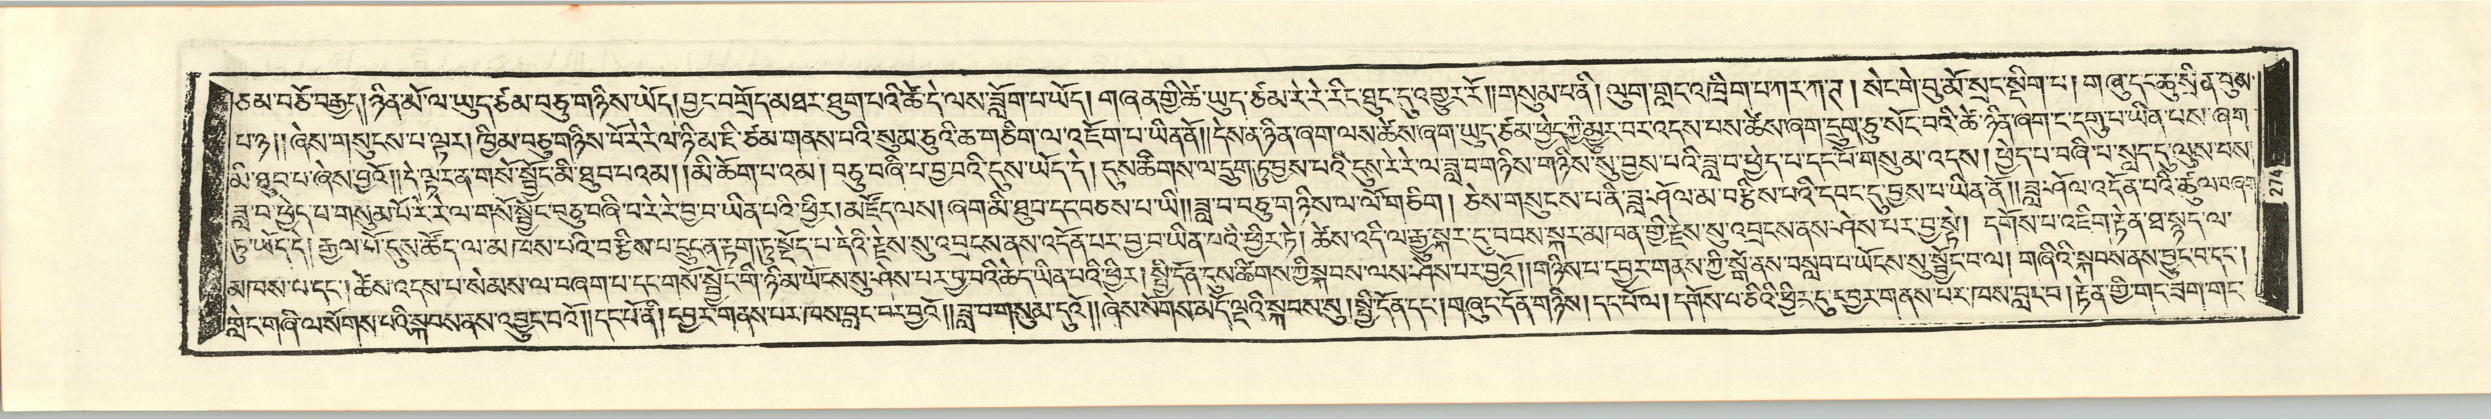ཅམ་བཅོ་བརྒྱད། ཉིན་མོ་ལ་ཡུད་ཙམ་བཅུ་གཉིས་ཡོད། བྱང་བགྲོད་མཐར་ཐུག་པའི་ཚེ་དེ་ལས་ཟློག་པ་ཡོད། གཞན་གྱི་ཚེ་ཡུད་ཙམ་རེ་རེ་རིང་ཐུང་དུ་འགྱུར་རོ། །གསུམ་པ་ནི། ལུག་གླང་འཁྲིག་པ་ཀར་ཀ་ཊ། སེང་གེ་བུ་མོ་སྲང་སྡིག་པ། གཞུ་དང་ཆུ་སྲིན་བུམ་
པ་ཉ། །ཞེས་གསུངས་པ་ལྟར། ཁྱིམ་བཅུ་གཉིས་པོ་རེ་རེ་ལ་ཉི་མ་ཇི་ཙམ་གནས་པའི་སུམ་ཅུའི་ཆ་གཅིག་ལ་འཇོག་པ་ཡིན་ནོ། །དེས་ན་ཉིན་ཞག་ལས་ཚེས་ཞག་ཡུད་ཙམ་ཕྱེད་ཀྱི་མྱུར་བར་འདས་པས་ཚེས་ཞག་དྲུག་ཅུ་སོང་བའི་ཚེ་ཉིན་ཞག་ང་དགུ་པ་ཡིན་པས་ཞག་
མི་ཐུབ་པ་ཞེས་བྱའོ། །དེ་ལྟར་ན་གསོ་སྦྱོང་མི་ཐུབ་པའམ། །མི་ཆོག་པ་འམ། བཅུ་བཞི་པ་བྱ་བའི་དུས་ཡོད་དེ། དུས་ཚིགས་ལ་དྲུག་ཏུ་བྱས་པའི་དུས་རེ་རེ་ལ་ཟླ་བ་གཉིས་གཉིས་སུ་བྱས་པའི་ཟླ་བ་ཕྱེད་པ་དང་པོ་གསུམ་འདས། ཕྱེད་པ་བཞི་པ་སླད་དུ་ལུས་པས་
ཟླ་བ་ཕྱེད་པ་གསུམ་པོ་རེ་རེ་ལ་གསོ་སྦྱོང་བཅུ་བཞི་པ་རེ་རེ་བྱ་བ་ཡིན་པའི་ཕྱིར། མཛོད་ལས། ཞག་མི་ཐུབ་དང་བཅས་པ་ཡི། །ཟླ་བ་བཅུ་གཉིས་ལ་ལོ་གཅིག། ཅེས་གསུངས་པ་ནི་ཟླ་ཤོལ་མ་བརྩིས་པའི་དབང་དུ་བྱས་པ་ཡིན་ནོ། །ཟླ་ཤོལ་འདོན་པའི་ཚུལ་བཞག་
ཏུ་ཡོད་དེ། རྒྱལ་པོ་དུས་ཚོད་ལ་མཁས་པའི་བརྩིས་པ་དྲུང་ན་རྟག་ཏུ་སྡོད་པ་དེའི་རྗེས་སུ་འབྲངས་ནས་འདོན་པར་བྱ་བ་ཡིན་པའི་ཕྱིར་ཏེ། ཚེས་འདི་ལ་རྒྱུ་སྐར་དུ་བབས་སྐར་མཁན་གྱི་རྗེས་སུ་འབྲངས་ནས་ཤེས་པར་བྱ་སྟེ། དགོས་པ་འཇིག་རྟེན་ཐ་སྙད་ལ་
མཁས་པ་དང་། ཚེས་འདས་པ་སེམས་ལ་བཞག་པ་དང་གསོ་སྦྱོང་གི་ཉི་མ་ཡོངས་སུ་ཤེས་པར་བྱ་བའི་ཆེད་ཡིན་པའི་ཕྱིར། སྤྱི་དོན་དུས་ཚིགས་ཀྱི་སྐབས་ལས་ཤེས་པར་བྱའོ། །གཉིས་པ་དབྱར་གནས་ཀྱི་སྒོ་ནས་བསླབ་པ་ཡོངས་སུ་སྦྱོང་བ་ལ། གཞིའི་སྐབས་ནས་བྱུང་བ་དང་།
གླེང་གཞི་ལ་སོགས་པའི་སྐབས་ནས་འབྱུང་བའོ། །དང་པོ་ནི། དབྱར་གནས་པར་ཁས་བླང་བར་བྱའོ། །ཟླ་བ་གསུམ་དུའོ། །ཞེས་སོགས་མདོ་ལྔའི་སྐབས་སུ། སྤྱི་དོན་དང་། གཞུང་དོན་གཉིས། དང་པོ་ལ། དགོས་པ་ཅིའི་ཕྱིར་དུ་དབྱར་གནས་པར་ཁས་བླང་བ། རྟེན་གྱི་གང་ཟག་གང་